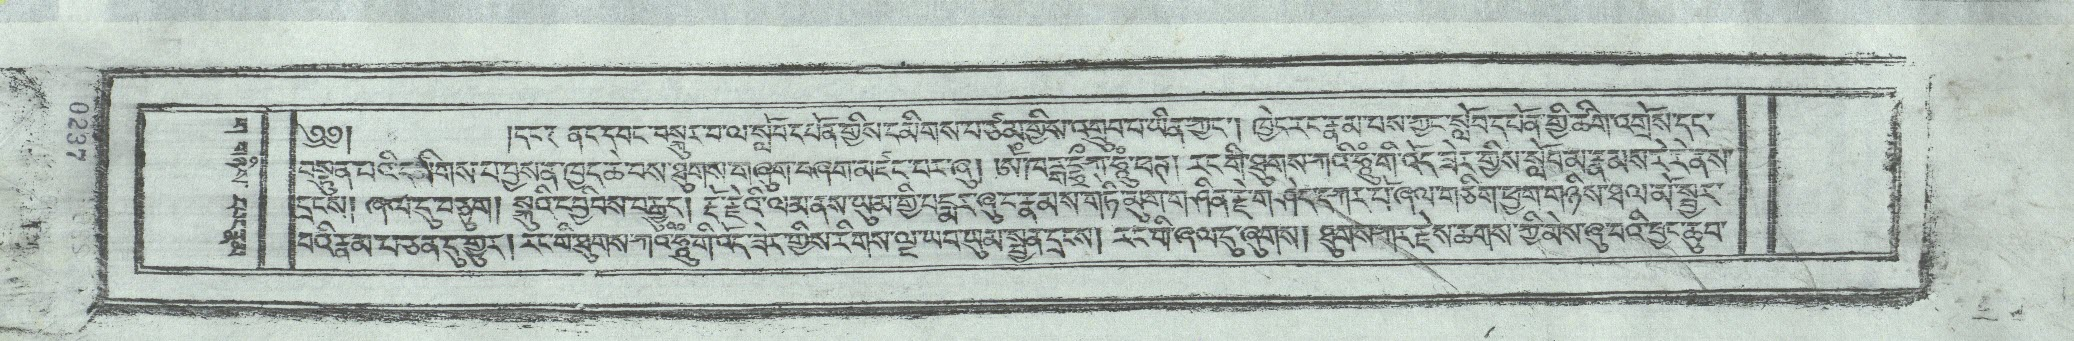༄༅། །དང༑ ནང་དབང་བསྐུར་བ་ལ་སློབ་དཔོན་གྱིས་དམིགས་པ་ཙམ་གྱིས་འགྲུབ་པ་ཡིན་ཀྱང་། ཁྱེད་རང་རྣམ་པས་ཀྱང་སློབ་དཔོན་གྱི་ཚིག་འགྲོས་དང་
བསྟུན་པའི་དམིགས་པ་བྱས་ན་ཁྱད་ཆེ་བས་ཐུགས་གཞུག་བཞག་མཛད་པར་ཞུ། ཨོཾ་ཁཌྒ་དྷྲྀཀ་ཧཱུཾ་ཕཊ། རང་གི་ཐུགས་ཀའི་ཧཱུཾ་གི་འོད་ཟེར་གྱིས་སློབ་མ་རྣམས་རེ་རེ་ནས་
དྲངས། ཞལ་དུ་བཅུག། སྐུའི་དབྱིབས་བརྒྱུད། རྡོ་རྗེའི་ལམ་ནས་ཡུམ་གྱི་པདམར་ཞུ་བ་རྣམས་གཏི་མུག་གཤིན་རྗེ་གཤེད་དཀར་པོ་ཞལ་གཅིག་ཕྱག་གཉིས་ཐལ་མོ་སྦྱར་
བའི་རྣམ་པ་ཅན་དུ་གྱུར། རང་གི་ཐུགས་ཀའི་ཧཱུཾ་གི་འོད་ཟེར་གྱིས་རིགས་ལྔ་ཡབ་ཡུམ་སྤྱན་དྲངས། རང་གི་ཞལ་དུ་ཞུགས། ཐུགས་ཀར་རྗེས་ཆགས་ཀྱི་མེས་ཞུ་བའི་བྱང་ཆུབ་